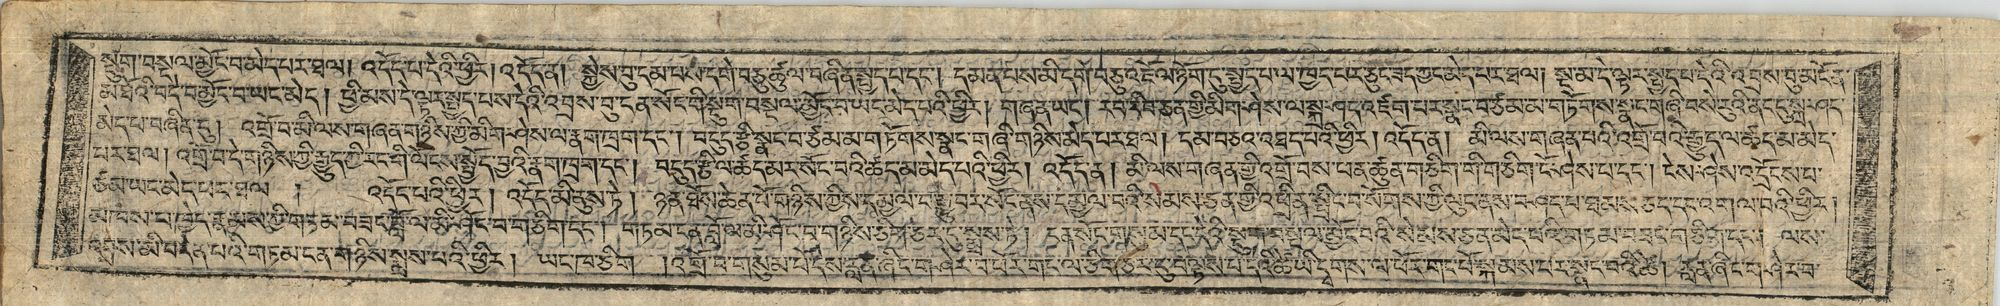སྡུག་བསྔལ་མྱོང་བ་མེད་པར་ཐལ། འདོད་པ་དེའི་ཕྱིར། འདོད་ན། སྐྱེས་བུ་དམ་པས་དགེ་བཅུ་ཚུལ་བཞིན་སྤྱད་པ་དང་། དམན་པས་མི་དགེ་བཅུ་འཇོལྙོགདུ་སྤྱད་པ་ལ་ཁྱད་པར་ཅུང་ཟད་ཀྱང་མེད་པར་ཐལ། སྔ་མས་དེ་ལྟར་སྤྱད་པ་དེའི་འབྲས་བུ་མངོན་
མཐོའི་བདེ་བ་མྱོང་བ་ཡང་མེད། ཕྱི་མས་དེ་ལྟར་སྤྱད་པས་དེའི་འབྲས་བུ་ངན་སོང་གི་སྡུག་བསྔལ་མྱོང་བ་ཡང་མེད་པའི་ཕྱིར། གཞན་ཡང་། རབ་རིབ་ཅན་གྱི་མིག་ཤེས་ལ་སྐྲ་ཤད་འཛག་པར་སྣང་བ་ཙམ་མ་གཏོགས་སྣང་གཞི་བསེ་རུའི་ནང་དུ་སྐྲ་ཤད་
མེད་པ་བཞིན་དུ། འགྲོ་བ་མི་ལས་གཞན་གཉིས་ཀྱི་མིག་ཤེས་ལ་རྣག་ཁྲག་དང་། བདུད་རྩི་སྣང་བ་ཙམ་མ་གཏོགས་སྣང་གཞི་གཉིས་མེད་པར་ཐལ། དམ་བཅའ་འཐད་པའི་ཕྱིར། འདོད་ན། མི་ལས་གཞན་པའི་འགྲོ་བའི་རྒྱུད་ལ་ཚད་མ་མེད་
པར་ཐལ། འགྲོ་བ་དེ་གཉིས་ཀྱི་རྒྱུད་ཀྱི་རང་གི་ལོངས་སྤྱོད་བྱའི་རྣག་ཁྲག་དང་། བདུད་རྩི་ལ་ཚད་མར་སོང་བའི་ཚད་མ་མེད་པའི་ཕྱིར། འདོད་ན། མི་ལས་གཞན་གྱི་འགྲོ་བས་ཕན་ཚུན་གཅིག་གི་གཅིག་ངོ་ཤེས་པ་དང་། ངེས་ཤེས་འདྲོངྶྤ་
ཙམ་ཡང་མེད་པར་ཐལ། འདོད་པའི་ཕྱིར། འདོད་མི་ནུས་ཏེ། ཉན་ཐོས་ཆེན་པོ་གཉིས་ཀྱིས་དམྱལ་བ་རྒྱུ་བར་སོང་ནས་དམྱལ་བའི་སེམས་ཅན་གྱི་འཕྲིན་སྦྲིངྦ་སོགས་ཀྱི་ལུང་ནས་བཤད་པ་ཐམས་ཅད་དང་འགལ་བའི་ཕྱིར།
མཁས་པ་ཁྱེད་རྣམས་ཀྱི་གཏམ་བཟང་བློ་ལ་མི་ཤོངྦ་གཅིག་དང་། གཏམ་ངན་བློ་ལ་མི་ཤོངྦ་གཉིས་ཅིག་ཅར་དུ་སྨྲས་ཏེ། ངན་སོང་གསུམ་དང་དེའི་སྡུག་བསྔལ་མྱོང་བའི་སེམས་ཅན་མེད་པའི་གཏམ་བཟང་གཅིག་དང་། ལས་
འབྲས་མི་བདེན་པའི་གཏམ་ངན་གཉིས་སྨྲས་པའི་ཕྱིར། ཡང་ཁ་ཅིག །འགྲོ་བ་གསུམ་པོ་དེས་རླན་ཞིང་གཤེར་བ་ཕོར་གང་ལ་ཅིག་ཅར་དུ་བལྟས་པ་དེའི་ཚེ་ཡི་དྭགས་ལ་ཕོར་གང་པོ་སྐམྶྤར་སྣང་བའི་ཚེ། རླན་ཞིང་གཤེར་བ་